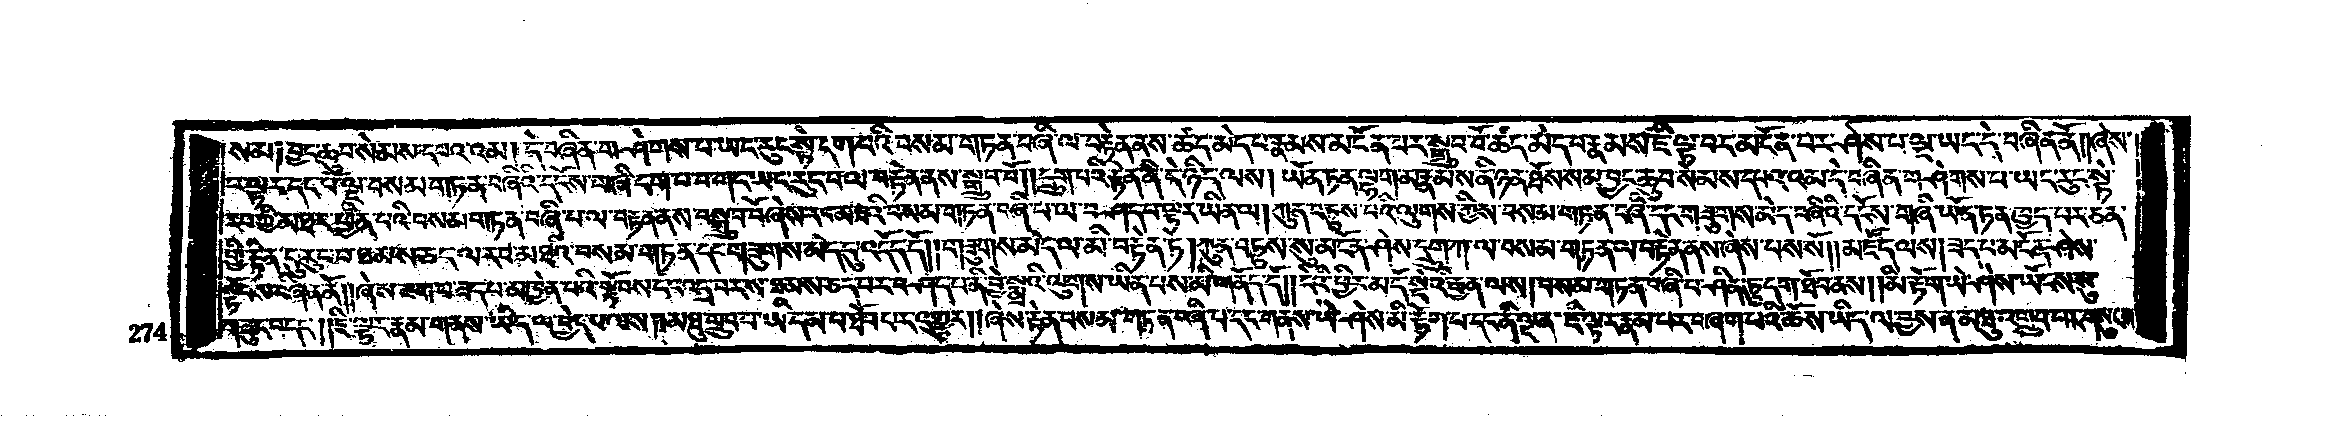སམ། བྱང་ཆུབ་སེམས་དཔའ་འམ། དེ་བཞིན་གཤེགས་པ་ཡང་རུང་སྟེ་དག་པའི་བསམ་གཏན་བཞི་ལ་བརྟེན་ནས་ཚད་མེད་པ་རྣམས་མངོན་པར་སྒྲུབ་བོ་ཚད་མེད་པ་རྣམས་ཇི་ལྟ་བར་མངོན་པར་ཤས་པ་ལྔ་ཡང་དེ་བཞིན་ནོ། །ཞེས་
པ་ལྟར་དང་པོ་ལྔ་བསམ་གཏན་བཞིའི་དངོས་གཞི་དག་པ་བ་གང་ཡང་རུང་བ་ལ་བརྟེན་ནས་སྒྲུབ་བོ། །དྲུག་པའི་རྟེན་ནི་དེ་ཉིད་ལས། ཡོན་ཏན་ལྷག་མ་རྣམས་ནི་ཉན་ཐོས་སམ་བྱང་ཆུབ་སེམས་དཔའ་འམ་དེ་བཞིན་གཤེགས་པ་ཡང་རུང་སྟེ་
རབ་ཀྱི་མཐར་ཕྱིན་པའི་བསམ་གཏན་བཞི་པ་ལ་བརྟེན་ནས་བསྒྲུབ་བོ་ཞེས་རབ་མཐའི་བསམ་གཏན་བཞི་པ་ལ་བཤད་པ་ལྟར་ཡིན་ལ། ཀུན་བཏུས་པའི་ལུགས་ཀྱིས་བསམ་གཏན་བཞི་དང་གཟུགས་མེད་བཞིའི་དངོས་གཞི་ཡོན་ཏན་ཁྱད་པར་ཅན་
གྱི་རྟེན་དུ་རུང་བ་ཐམས་ཅད་ལ་རབ་མཐའི་བསམ་གཏན་དང་གཟུགས་མེད་དུ་འདོད་དོ། །གཟུགས་མེད་ལ་མི་བརྟེན་ཏེ། ཀུན་བཏུས་སུ་མངོན་ཤེས་དྲུག་ཀ་ལ་བསམ་གཏན་ལ་བརྟེན་ནས་ཞེས་པས་སོ། །མཛོད་ལས། ཟད་པ་མངོན་ཤས་
སྟོབས་བཞིན་ནོ། །ཞེས་ཟག་པ་ཟད་པ་མཁྱེན་པའི་སྟོབས་དང་འདྲ་བར་ས་ཐམས་ཅད་པར་བཤད་པ་ནི་བྱེ་སྨྲའི་ལུགས་ཡིན་པས་མི་གནོད་དོ། །དེའི་ཕྱིར་མདོ་སྡེའི་རྒྱན་ལས། བསམ་གཏན་བཞི་པ་ཤིན་ཏུ་དག་ཐོབ་ནས། །མི་རྟོག་ཡེ་ཤེས་ཡོངས་སུ་
གཟུང་བ་དང་། །ཇི་ལྟར་རྣམ་གནས་ཡིད་ལ་བྱེད་པ་ལས། །མཐུ་གྲུབ་པ་ཡི་དམ་པ་ཐོབ་པར་འགྱུར། །ཞེས་རྟེན་བསམ་གཏན་བཞི་པ་དང་གནས་ཡེ་ཤེས་མི་རྟོག་པ་དང་ནི་ལྡན། ཇི་ལྟར་རྣམ་པར་བཞག་པའི་ཆོས་ཡིད་ལ་བྱས་ན་མཐུ་འགྲུབ་པར་གསུངས་